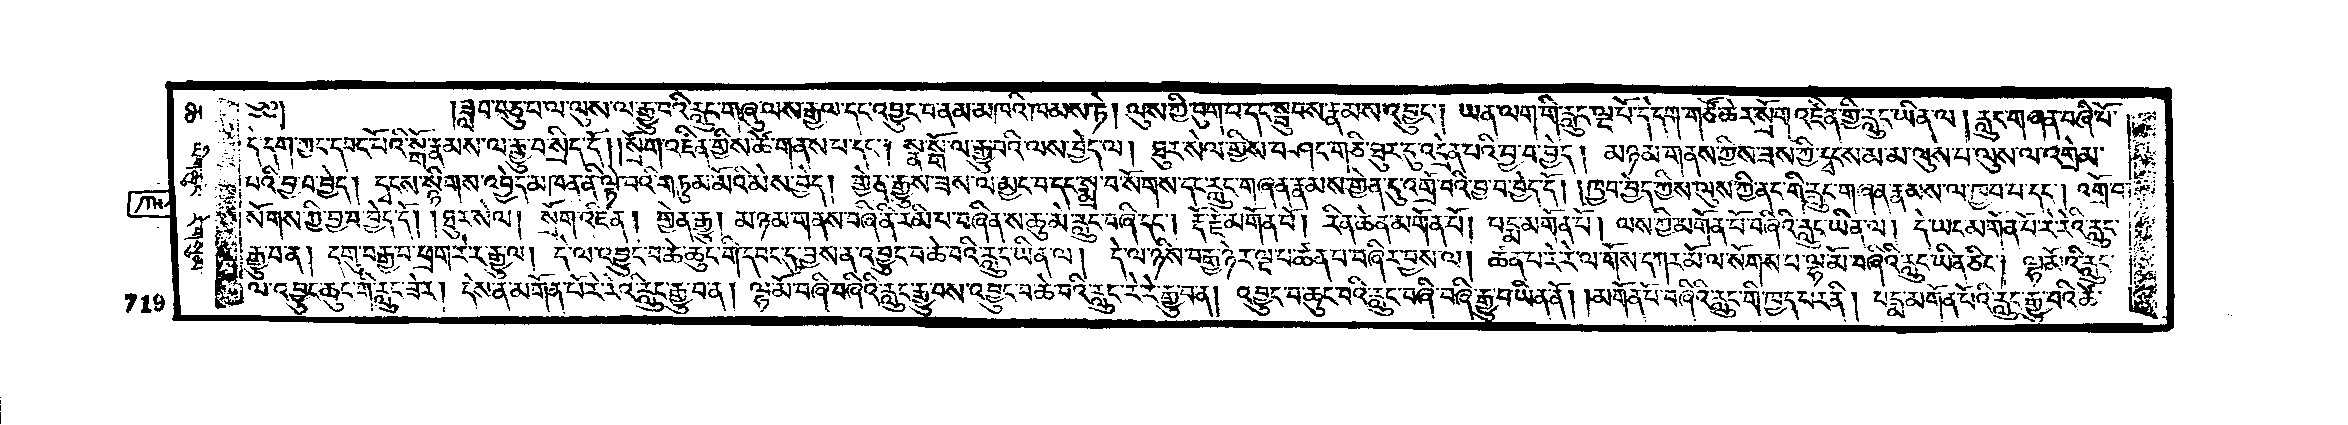༄༅། །ཟླ་བ་བཅུ་པ་ལ་ལུས་ལ་རྒྱུ་བའི་རླུང་གཞུ་ལས་རྒྱལ་དང་འབྱུང་བ་ནམ་མཁའི་ཁམས་ཏེ། ལུས་ཀྱི་བུག་པ་དང་སྦུབས་རྣམས་འབྱུང་། ཡན་ལག་གི་རླུང་ལྔ་པོ་དེ་དག་གཙོ་ཆེར་སྲོག་འཛིན་གྱི་རླུང་ཡིན་ལ། རླུང་གཞན་བཞི་པོ་
དེ་དག་ཀྱང་དབང་པོའི་སྒོ་རྣམས་ལ་རྒྱུ་བ་སྲིད་དོ། །སྲོག་འཛིན་གྱིས་ཆེ་གནས་པ་དང་། སྣ་སྒོ་ལ་རྒྱུ་བའི་ལས་བྱེད་ལ། ཐུར་སེལ་གྱིས་བཤང་གཅི་ཐུར་དུ་འདྲེན་པའི་བྱ་བ་བྱེད། མཉམ་གནས་ཀྱིས་ཟས་ཀྱི་དྭངས་མ་མ་ལུས་པ་ལུས་ལ་འགྲེམ་
པའི་བྱ་བ་བྱེད། དྭངས་སྙིགས་འབྱེད་མཁན་ནི་ལྟེ་བའི་གཏུམ་མོའི་མེས་བྱེད། གྱེན་རྒྱུས་ཟས་ལ་མྱང་བ་དང་སྨྲ་བ་སོགས་དང་རླུང་གཞན་རྣམས་གྱེན་དུ་འགྲོ་བའི་བྱ་བ་བྱེད་དོ། །ཁྱབ་བྱེད་ཀྱིས་ལུས་ཀྱི་ནང་གི་རླུང་གཞན་རྣམས་ལ་ཁྱབ་པ་དང་། འགྲོ་བ་
སོགས་ཀྱི་བྱ་བ་བྱེད་དོ། །ཐུར་སེལ། སྲོག་འཛིན། གྱེན་རྒྱུ། མཉམ་གནས་བཞི་ནི་རིམ་པ་བཞིན་ས་ཆུ་མེ་རླུང་བཞི་དང་། རྡོ་རྗེ་མགོན་པོ། རིན་ཆེན་མགོན་པོ། པདམ་མགོན་པོ། ལས་ཀྱི་མགོན་པོ་བཞིའི་རླུང་ཡིན་ལ། དེ་ཡང་མགོན་པོ་རེ་རེའི་རླུང་
རྒྱུ་བ་ན། དགུ་བརྒྱ་པ་ཕྲག་རེ་ར་རྒྱུ་ལ། དེ་ལ་འབྱུང་བ་ཆེ་ཆུང་གི་དབང་དུ་བྱས་ན་འབྱུང་བ་ཆེ་བའི་རླུང་ཡིན་ལ། དེ་ལ་ཉིས་བརྒྱ་ཉེར་ལྔ་པ་ཚན་པ་བཞིར་བྱས་ལ། ཚན་པ་རེ་རེ་ལ་གོས་དཀར་མོ་ལ་སོགས་པ་ལྷ་མོ་བཞིའི་རླུང་ཡིན་ཅིང་། ལྷ་མོའི་རླུང་
ལ་འབྱུང་ཆུང་གི་རླུང་ཟེར། དེས་ན་མགོན་པོ་རེ་རེའི་རླུང་རྒྱུ་བ་ན། ལྷ་མོ་བཞི་བཞིའི་རླུང་རྒྱུ་བས་འབྱུང་བ་ཆེ་བའི་རླུང་རེ་རེ་རྒྱུ་བ་ན། འབྱུང་བ་ཆུང་བའི་རླུང་བཞི་བཞི་རྒྱུ་བ་ཡིན་ནོ། །མགོན་པོ་བཞིའི་རླུང་གི་ཁྱད་པར་ནི། པདམ་མགོན་པོའི་རླུང་རྒྱུ་བའི་ཚེ་